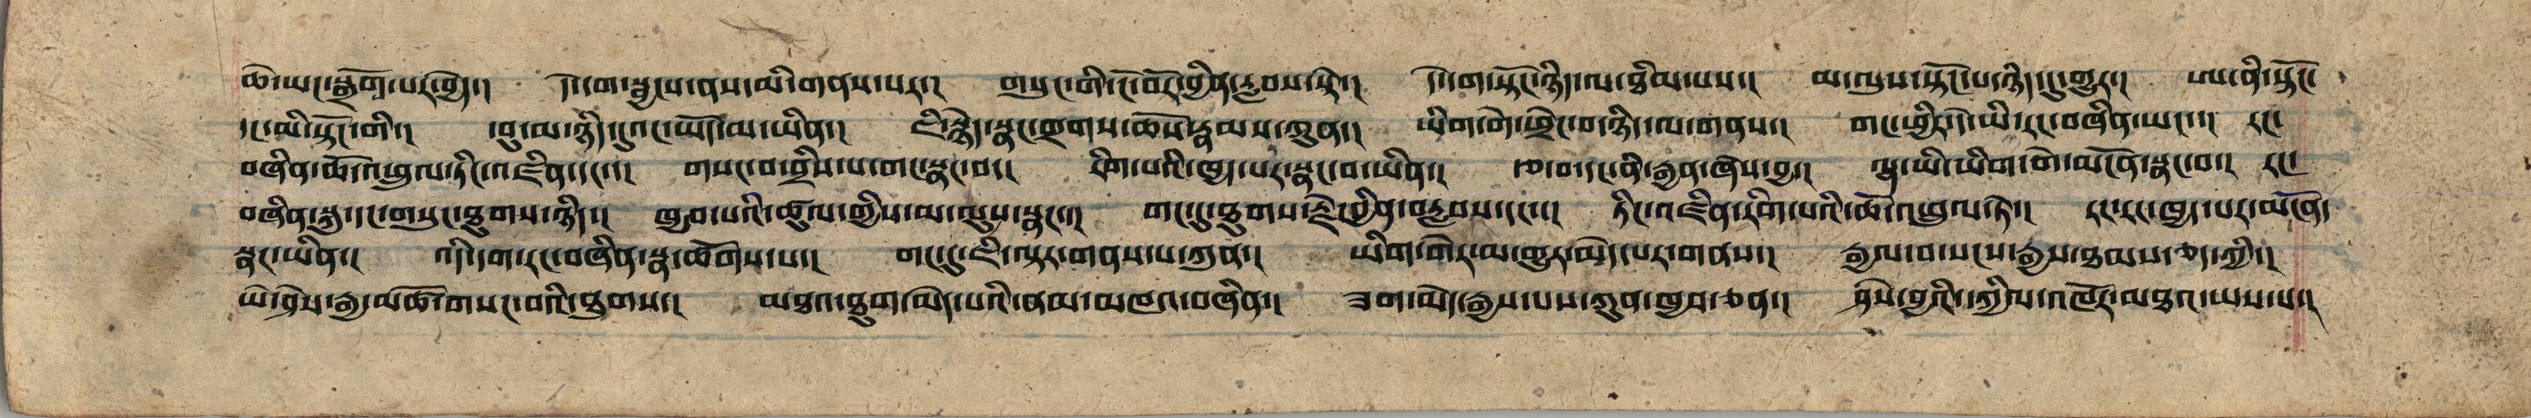ཆེ་ཡང་སྒྲོག་པར་བྱེད་། དེ་དག་སྦྱངས་ནས་མི་གནས་པར་། གསུང་གི་ངོ་བོར་བྱིན་རླབས་སྟེ་། དེ་དག་སྟོང་ཉིད་ལ་ཐིམ་པས་། མ་ལུས་སྟོང་པ་ཉིད་དུ་གྱུར་།། ཨ་ནི་སྟོང་
དང་མི་སྟོང་གི་། དབུ་མ་ཉིད་དུའང་ཡོད་མ་ཡིན་། ཇི་སྙེད་སྣང་གྲགས་ཆོས་རྣམས་ཀུན་། ཡིག་གེ་ཕྲེང་བ་ཉིད་ལ་གནས་། གང་ཕྱིར་དེ་ཡི་རང་བཞིན་ཡང་་། རང་
བཞིན་ཆོ་འཕྲུལ་ཏིང་འཛིན་དང་་། གསང་བ་བྲིས་པ་གང་སྣང་བ་། རིག་པའི་ཁྱད་པར་སྣང་བ་ཡིན་། རྩ་བ་དང་ནི་རྒྱན་ཞེས་བྱ་། ལྷ་ཡི་ཡིག་གེ་མངོན་སྣང་བ་། རང་
བཞིན་སྐུ་དང་གསུང་ཐུགས་ཉིད་། ཁྱབ་པའི་ཚུལ་གྱིས་མ་ལུས་སྣང་་། གང་དུ་ཐུགས་རྗེ་བྱིན་བརླབས་དང་་། ཏིང་འཛིན་རིག་པའི་ཆོ་འཕྲུལ་ཏེ་། རང་རང་ཁྱད་པར་མངོན་
སྣང་ཡིན་། འདི་དག་རང་བཞིན་སྣ་ཚོགས་པ་། གང་དུ་ཇི་ལྟར་གནས་པ་ཀུན་། ཡིག་གེར་མ་གྱུར་མེད་པར་གནས་། རྒྱལ་བ་སངས་རྒྱས་ཐམས་ཅད་ཀྱི་།
ཡེ་ཤེས་རྒྱ་མཚོ་གསང་བའི་ཐུགས་། མཐའ་ཐུག་མེད་པའི་ནམ་མཁའ་བཞིན་། ཟག་མེད་རྒྱས་པས་ཀུན་ཁྱབ་ཅན་། ཤེས་བྱའི་དཀྱིལ་འཁོར་མཐའ་ཡས་པ་།